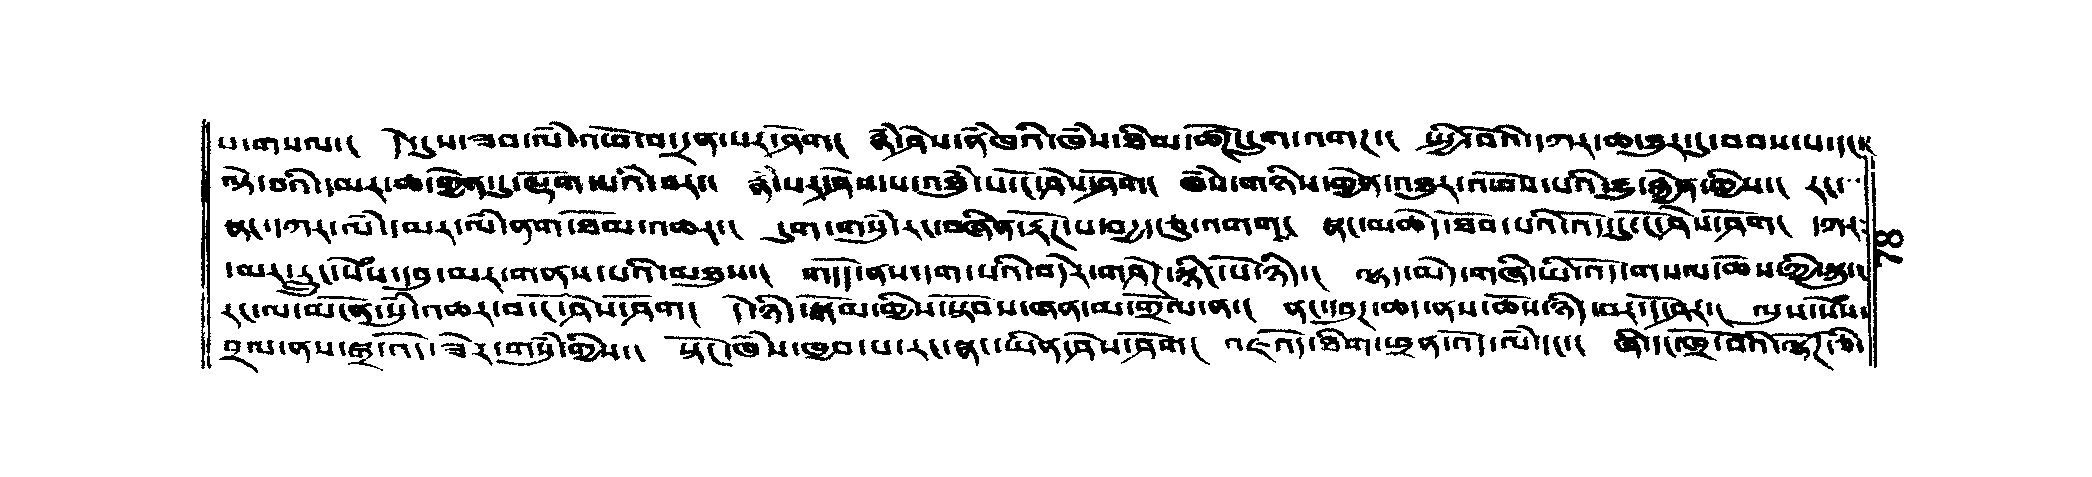པ་གསལ། །དེ་དུས་ཟབ་ལམ་འཕོ་བ་དྲན་པར་ཤོག །རྣམ་ཤེས་ནམ་མཁའི་ཁམས་ཐིམ་ཚོགས་དྲུག་འགགས། །སྤྱི་བོའི་དཀར་ཆ་ཐུར་དུ་བབས་པ་དང་། །
ལྟེ་བའི་དམར་ཆ་གྱེན་དུ་ལྡོག་པའི་བར། །རྣམ་པར་ཤེས་པ་འཐུམ་པ་ངོ་ཤེས་ཤོག།ཁམས་གཉིས་གྱེན་འཐུར་འཕོས་པའི་རྒྱུ་རྐྱེན་གྱིས། །རང་
སྣང་དཀར་ལམ་དམར་ལམ་ནག་ཐོམ་འཆར། །དུག་གསུམ་རང་བཞིན་རྟོག་པ་བརྒྱད་ཅུ་འགགས། །སྣང་མཆེད་ཐོབ་པའི་འོད་དུ་ངོ་ཤེས་ཤོག །དཀར་
དམར་རླུང་སེམས་དབུ་མར་གནས་པའི་མཐུས། །གདོད་ནས་དག་པའི་བདེ་གཤེགས་སྙིང་པོ་ཉིད། །ལྷད་མེད་གཞི་ཡི་འོད་གསལ་ཆོས་ཀྱི་སྐུ། །
རང་ལ་མངོན་སུམ་འཆར་བ་ངོ་ཤེས་ཤོག །དེ་ཉིད་སྒོམ་གྱིས་སྟོབས་ཞན་མ་གྲོལ་ན། །ནང་དབུགས་ཆད་ནས་ཆོས་ཉིད་བར་དོ་ཤར། །ལུས་སེམས་
བྲལ་ནས་སྒྲ་འོད་ཟེར་གསུམ་གྱིས། །སྟོང་ཁམས་ཁྱབ་པ་རང་སྣང་ཡིན་ཤེས་ཤོག །འཇའ་འོད་ཐིག་ལེ་ཐིག་ཕྲན་འོད་ལམ་དང་། །ཞི་དང་ཁྲོ་བོའི་ལྷ་ཚོགས་ཅི་